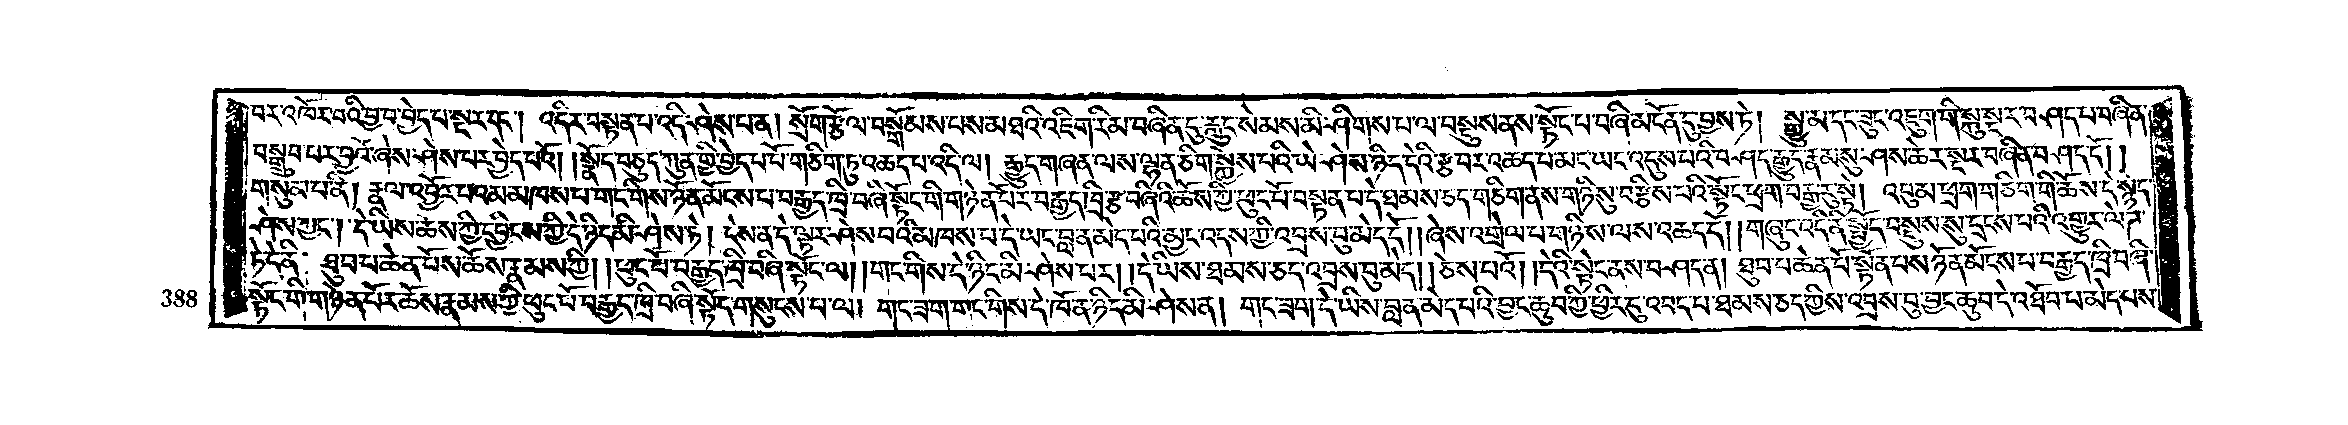བར་འཁོར་བའི་བྱ་བ་བྱེད་པ་སྔར་དང་། འདིར་བསྟན་པ་འདི་ཤེས་པ་ན། སྲོག་རྩོལ་བསྒོམས་པས་མཐའི་འཇིག་རིམ་བཞིན་དུ་རླུང་སེམས་མི་ཤིགས་པ་ལ་བསྡུས་ནས་སྟོང་པ་བཞི་མངོན་དུ་བྱས་ཏེ། སྒྱུ་མ་དང་ཟུང་འཇུག་གི་སྐུ་སྔར་བཤད་པ་བཞིན་
བསྒྲུབ་པར་བྱའོ་ཞེས་ཤེས་པར་བྱེད་པའོ། །སྣོད་བཅུད་ཀུན་གྱི་བྱེད་པ་པོ་གཅིག་ཏུ་འཆད་པ་འདི་ལ། རྒྱུད་གཞན་ལས་ལྷན་ཅིག་སྐྱེས་པའི་ཡེ་ཤེས་ཉིད་དེའི་རྩ་བར་འཆད་པ་མང་ཡང་འདུས་པའི་བཤད་རྒྱུད་རྣམས་སུ་ཤས་ཆེར་སྔར་བཞིན་བཤད་དོ། །
གསུམ་པ་ནི། རྣལ་འབྱོར་པའམ་མཁས་པ་གང་གིས་ཉོན་མོངས་པ་བརྒྱད་ཁྲི་བཞི་སྟོང་གི་གཉེན་པོར་བརྒྱད་ཁྲི་རྩ་བཞིའི་ཆོས་ཀྱི་ཕུང་པོ་བསྟན་པ་དེ་ཐམས་ཅད་གཅིག་ནས་གཉིས་སུ་བརྩིས་པའི་སྟོང་ཕྲག་བརྒྱ་རུ་སྟེ། འབུམ་ཕྲག་གཅིག་གི་ཆོས་དེ་སྙེད་
ཤེས་ཀྱང་། དེ་ཡིས་ཆོས་ཀྱི་དབྱིངས་ཀྱི་དེ་ཉིད་མི་ཤེས་ཏེ། དེས་ན་དེ་ལྟར་ཤེས་པའི་མཁས་པ་དེ་ཡང་བླ་ན་མེད་པའི་མྱང་འདས་ཀྱི་འབྲས་བུ་མེད་དོ། །ཞེས་འགྲེལ་པ་གཉིས་ལས་འཆད་དོ། །གཞུང་འདི་ནི་སྤྱོད་བསྡུས་སུ་དྲངས་པའི་འགྱུར་ལེགས་
ཏེ་དེ་ནི་ཐུབ་པ་ཆེན་པོས་ཆོས་རྣམས་ཀྱི། །ཕུང་པོ་བརྒྱད་ཁྲི་བཞི་སྟོང་ལ། །གང་གིས་དེ་ཉིད་མི་ཤེས་པར། །དེ་ཡིས་ཐམས་ཅད་འབྲས་བུ་མེད། །ཅེས་པའོ། །དེའི་སྟེང་ནས་བཤད་ན། ཐུབ་པ་ཆེན་པོ་སྟོན་པས་ཉོན་མོངས་པ་བརྒྱད་ཁྲི་བཞི་
སྟོང་གི་གཉེན་པོར་ཆོས་རྣམས་ཀྱི་ཕུང་པོ་བརྒྱད་ཁྲི་བཞི་སྟོང་གསུངས་པ་ལ། གང་ཟག་གང་གིས་དེ་ཁོ་ན་ཉིད་མི་ཤེས་ན། གང་ཟག་དེ་ཡིས་བླ་ན་མེད་པའི་བྱང་ཆུབ་ཀྱི་ཕྱིར་དུ་འབད་པ་ཐམས་ཅད་ཀྱིས་འབྲས་བུ་བྱང་ཆུབ་དེ་འཐོབ་པ་མེད་པས་